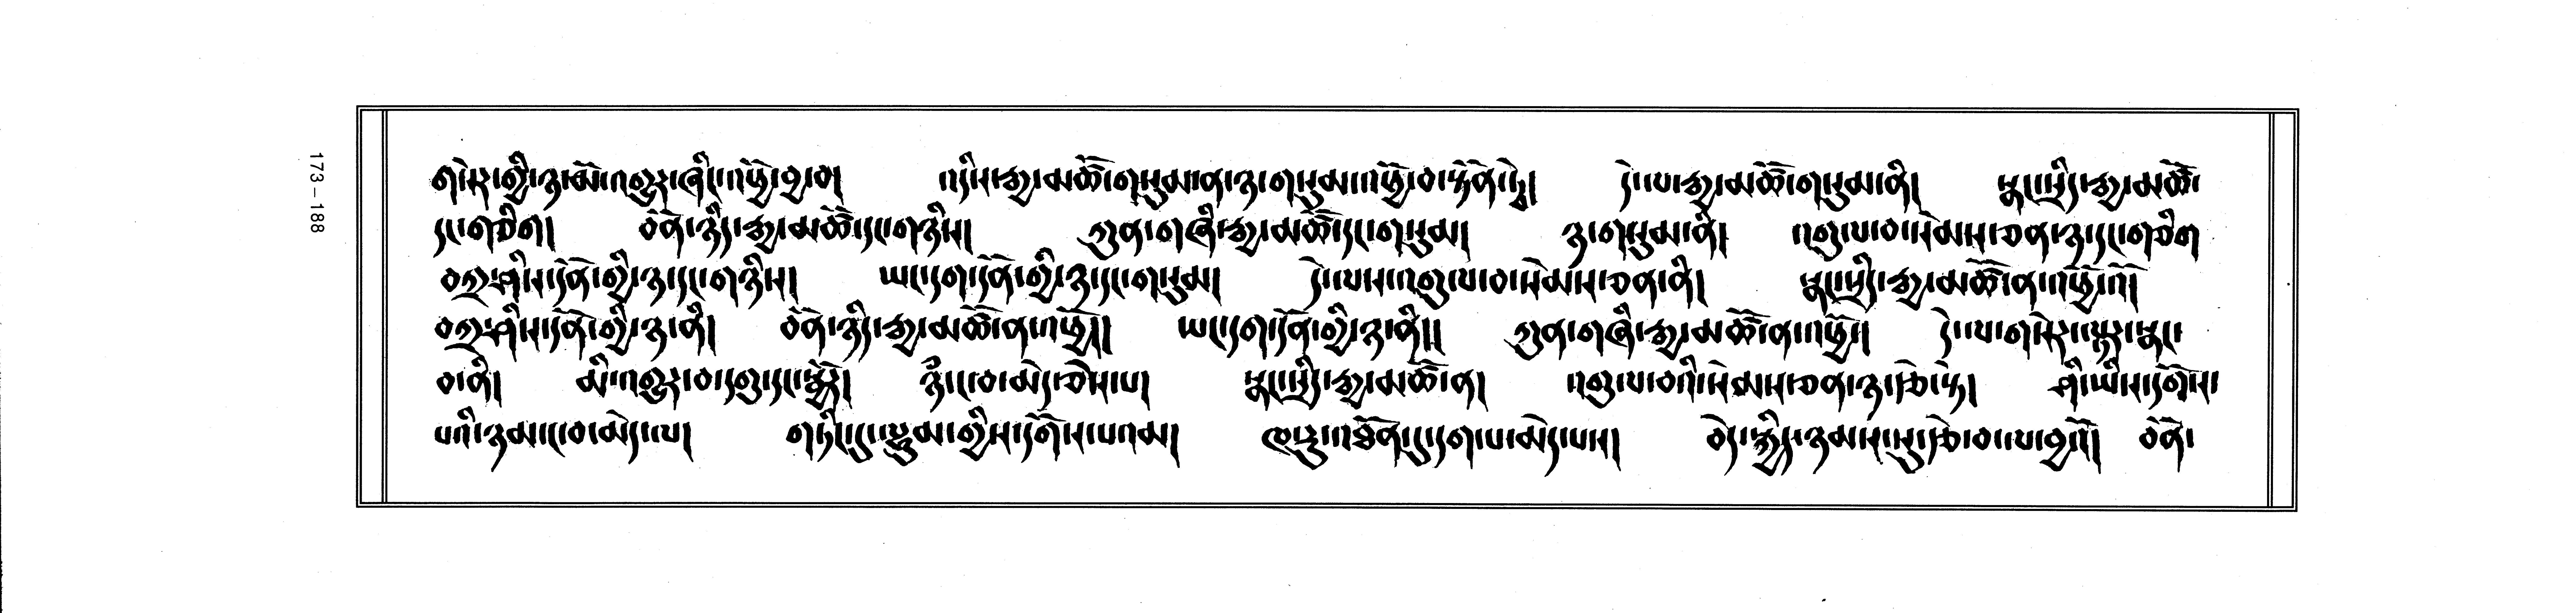གསེར་གྱི་ཉ་མོ་འགྱུར་ཞིང་འཕྱོ་བྱ་བ། འདིས་རྒྱ་མཚོ་གསུམ་ན་ཉ་གསུམ་འཕྱོ་བ་སྟོན་ཏེ། དེ་ལ་རྒྱ་མཚོ་གསུམ་ནི། སྣང་སྲིད་རྒྱ་མཚོ་
དང་གཅིག བོན་ཉིད་རྒྱ་མཚོ་དང་གཉིས། ཀུན་གཞི་རྒྱ་མཚོ་དང་གསུམ། ཉ་གསུམ་ནི། འགུལ་བ་སེམས་ཅན་ཉ་དང་གཅིག
བཀྲ་ཤིས་དོན་གྱི་ཉ་དང་གཉིས། ཡང་དག་དོན་གྱི་ཉ་དང་གསུམ། དེ་ལས་འགུལ་བ་སེམས་ཅན་ནི། སྣང་སྲིད་རྒྱ་མཚོ་ན་འཕྱོའོ། །
བཀྲ་ཤིས་དོན་གྱི་ཉ་ནི། བོན་ཉིད་རྒྱ་མཚོ་ན་འཕྱོ། ཡང་དག་དོན་གྱི་ཉ་ནི། ཀུན་གཞི་རྒྱ་མཚོ་ན་འཕྱོ། དེ་ལ་གསེར་ལྟར་སྣང་
བ་ནི། མི་འགྱུར་བ་དགུ་དང་སྦྱོར། ཉམ་ང་བ་མེད་ཅེས་པ། སྣང་སྲིད་རྒྱ་མཚོ་ན། འགུལ་བའི་སེམས་ཅན་ཉ་རྩེ་སྟེ། ཤི་ཡིས་དྭོགས་
པའི་ཉམ་ང་བ་མེད་ལ། གཏིང་དུ་ལྷུང་གིས་དོགས་པའམ། ཁ་རུ་ཐོན་དུ་དྭོགས་པ་མེད་པས། བདེ་སྐྱིད་ཉམས་སུ་རྩེ་བ་ལ་བྱའོ། །བོན་